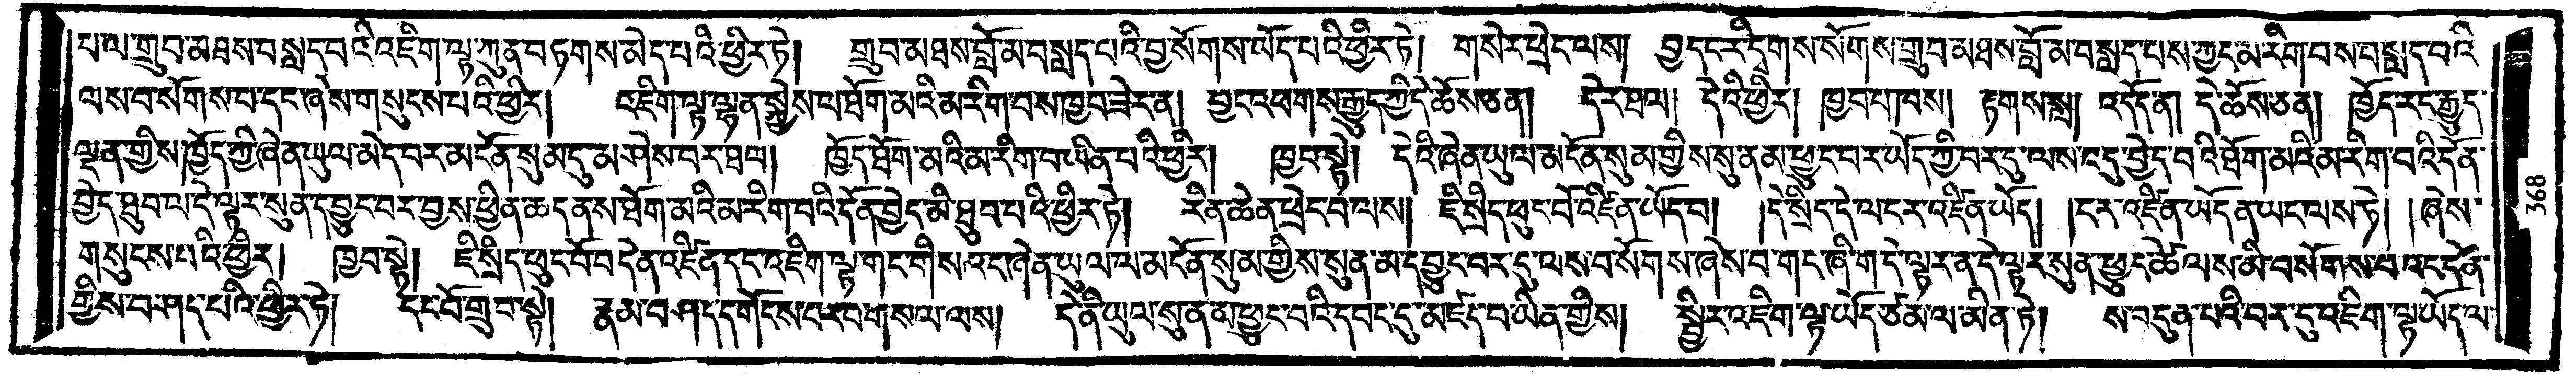པ་ལ་གྲུབ་མཐས་བསླད་པའི་འཇིག་ལྟ་ཀུན་བཏགས་མེད་པའི་ཕྱིར་ཏེ། གྲུབ་མཐས་བློ་མ་བསླད་པའི་བྱ་སོགས་ཡོད་པའི་ཕྱིར་ཏེ། གསེར་ཕྲེང་ལས། བྱ་དང་རི་དྭགས་སོགས་གྲུབ་མཐས་བློ་མ་བསླད་པས་ཀྱང་མ་རིག་པས་བསླད་པའི་
ལས་བསོགས་པ་དང་ཞེས་གསུངས་པའི་ཕྱིར། འཇིག་ལྟ་ལྷན་སྐྱེས་ལ་ཐོག་མའི་མ་རིག་པས་ཁྱབ་ཟེར་ན། བྱང་འཕགས་རྒྱུད་ཀྱི་དེ་ཆོས་ཅན། དེར་ཐལ། དེའི་ཕྱིར། ཁྱབ་པ་ཁས། རྟགས་སླ། འདོད་ན། དེ་ཆོས་ཅན། ཁྱོད་རང་རྒྱུད་
ལྡན་གྱིས་ཁྱོད་ཀྱི་ཞེན་ཡུལ་མེད་པར་མངོན་སུམ་དུ་མ་ཤེས་པར་ཐལ། ཁྱོད་ཐོག་མའི་མ་རིག་པ་ཡིན་པའི་ཕྱིར། ཁྱབ་སྟེ། དེའི་ཞེན་ཡུལ་མངོན་སུམ་གྱིས་སུ་ནམ་ཕྱུང་བར་ཡོད་ཀྱི་བར་དུ་ལས་འདུ་བྱེད་པའི་ཐོག་མའི་མ་རིག་པའི་དོན་
བྱེད་ཐུབ་ལ་དེ་ལྟར་སུན་དབྱུང་བར་བྱས་ཕྱིན་ཆད་ནས་ཐོག་མའི་མ་རིག་པའི་དོན་བྱེད་མི་ཐུབ་པའི་ཕྱིར་ཏེ། རིན་ཆེན་ཕྲེང་བ་ལས། ཇི་སྲིད་ཕུང་པོ་འཛིན་ཡོད་པ། །དེ་སྲིད་དེ་ལ་ངར་འཛིན་ཡོད། །ངར་འཛིན་ཡོད་ན་ཡང་ལས་ཏེ། །ཞེས་
གསུངས་པའི་ཕྱིར། ཁྱབ་སྟེ། ཇི་སྲིད་ཕུང་པོ་བདེན་འཛིན་དང་འཇིག་ལྟ་གང་གིས་རང་ཞེན་ཡུལ་ལ་མངོན་སུམ་གྱིས་སུན་མ་དབྱུང་བར་དུ་ལས་བསོགས་ཞེས་པ་གང་ཞིག་དེ་ལྟར་ན་དེ་ལྟར་སུན་ཕྱུང་ཚེ་ལས་མི་བསོགས་པའང་དོན་
གྱིས་བཤད་པའི་ཕྱིར་ཏེ། དང་པོ་གྲུབ་སྟེ། རྣམ་བཤད་དགོངས་པ་རབ་གསལ་ལས། དེ་ནི་ཡུལ་སུན་མ་ཕྱུང་བའི་དབང་དུ་མཛད་པ་ཡིན་གྱིས། སྤྱིར་འཇིག་ལྟ་ཡོད་ཙམ་ལ་མིན་ཏེ། ས་བདུན་པའི་བར་དུ་འཇིག་ལྟ་ཡོད་ལ་